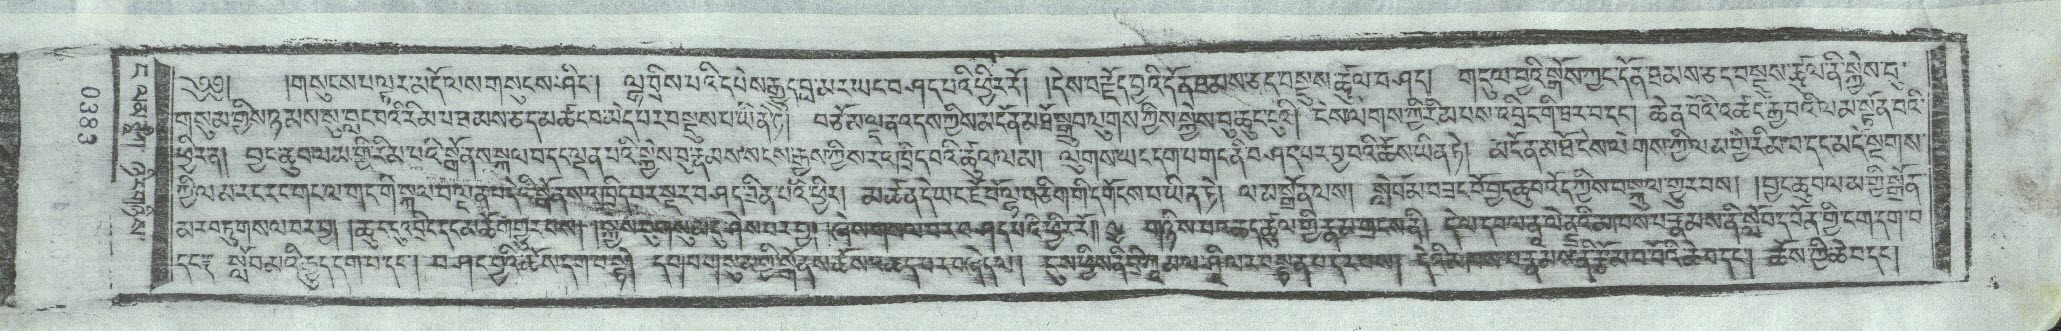༄༅། །གསུངས་པ་ལྟར་མདོ་ལས་གསུངས་ཤིང་། ལྷ་གྲིས་པའི་དཔེས་རྒྱུད་བླ་མར་ཡང་བཤད་པའི་ཕྱིར་རོ། །དེས་བརྗོད་བྱའི་དོན་ཐམས་ཅད་བསྡུས་ཚུལ་བཤད། གདུལ་བྱའི་སྒོས་ཀྱང་དོན་ཐམས་ཅད་བསྡུས་ཚུལ་ནི་སྐྱེས་བུ་
གསུམ་གྱིས་ཉམས་སུ་བླང་བའི་རིམ་པ་ཐམས་ཅད་མཚང་བ་མེད་པར་བསྡུས་པ་ཡིན་ཏེ། བཅོམ་ལྡན་འདས་ཀྱིས་མངོན་མཐོ་སྒྲུབ་ལུགས་ཀྱིས་སྐྱེས་བུ་ཆུང་ངུའི། ངེས་ལེགས་ཀྱི་རིམ་པས་འབྲིང་གི་ཐར་བ་དང་། ཆེན་བོའི་མཚང་རྒྱ་བའི་ལམ་སྟོན་བའི་
ཕྱིར་ན། བྱང་ཆུབ་ལམ་གྱི་རིམ་པའི་སྒོ་ནས་སྐལ་བ་དང་ལྡན་པའི་སྐྱེས་བུ་རྣམས་སངས་རྒྱས་ཀྱི་སར་འཁྲིད་བའི་ཚུལ་ལམ། ལུགས་ཡང་དག་པ་གང་ནི་བཤད་པར་བྱ་བའི་ཆོས་ཡིན་ཏེ། མངོན་མཐོ་ངེས་ལེགས་ཀྱི་ལམ་གྱི་རིམ་བ་དང་མདོ་སྔགས་
ཀྱི་ལམ་རང་རང་གང་གི་སྐལ་བ་ལྡན་པ་དེའི་སྒོ་ནས་འཁྲིད་བར་སྔར་བཤད་ཟིན་པའི་ཕྱིར། མཚན་དེ་ཡང་ཇོ་བོ་ལྷ་གཅིག་གི་དགོངས་པ་ཡིན་ཏེ། ལམ་སྒྲོན་ལས། སློབ་མ་བཟང་བོ་བྱང་ཆུབ་འོད་ཀྱིས་བསྐུལ་གྱུར་བས། །བྱང་ཆུབ་ལམ་གྱི་སྒྲོན་
མ་རབ་ཏུ་གསལ་བར་བྱ། །ཆུང་དུ་འབྲིང་དང་མཆོག་གྱུར་བས། །སྐྱེས་བུ་གསུམ་དུ་ཤེས་པར་བྱ། །ཞེས་གསལ་བར་བཤད་པའི་ཕྱིར་རོ།། ༈ གཉིས་པ་འཆད་ཚུལ་གྱི་རྣམ་གྲངས་ནི། དེ་ལ་དབལ་ནཱ་ལེནྡྲའི་མཁས་པ་རྣམས་ནི་སློབ་དཔོན་གྱི་ངག་དག་བ་
དང༑ སློབ་མའི་རྒྱུད་དག་པ་དང་། བཤད་བྱའི་ཆོས་དག་པ་སྟེ། དག་བ་གསུམ་གྱི་སྒོ་ནས་ཆོས་འཆད་བར་བཞེད་ལ། དུས་ཕྱིས་ནི་བྲི་ཀཱ་མ་ལ་ཤཱི་ལར་བསྟན་པ་དར་བས། དེའི་མཁས་བ་རྣམས་ན་རྩམ་པ་བོའི་ཆེ་བ་དང་། ཆོས་ཀྱི་ཆེ་བ་དང་།